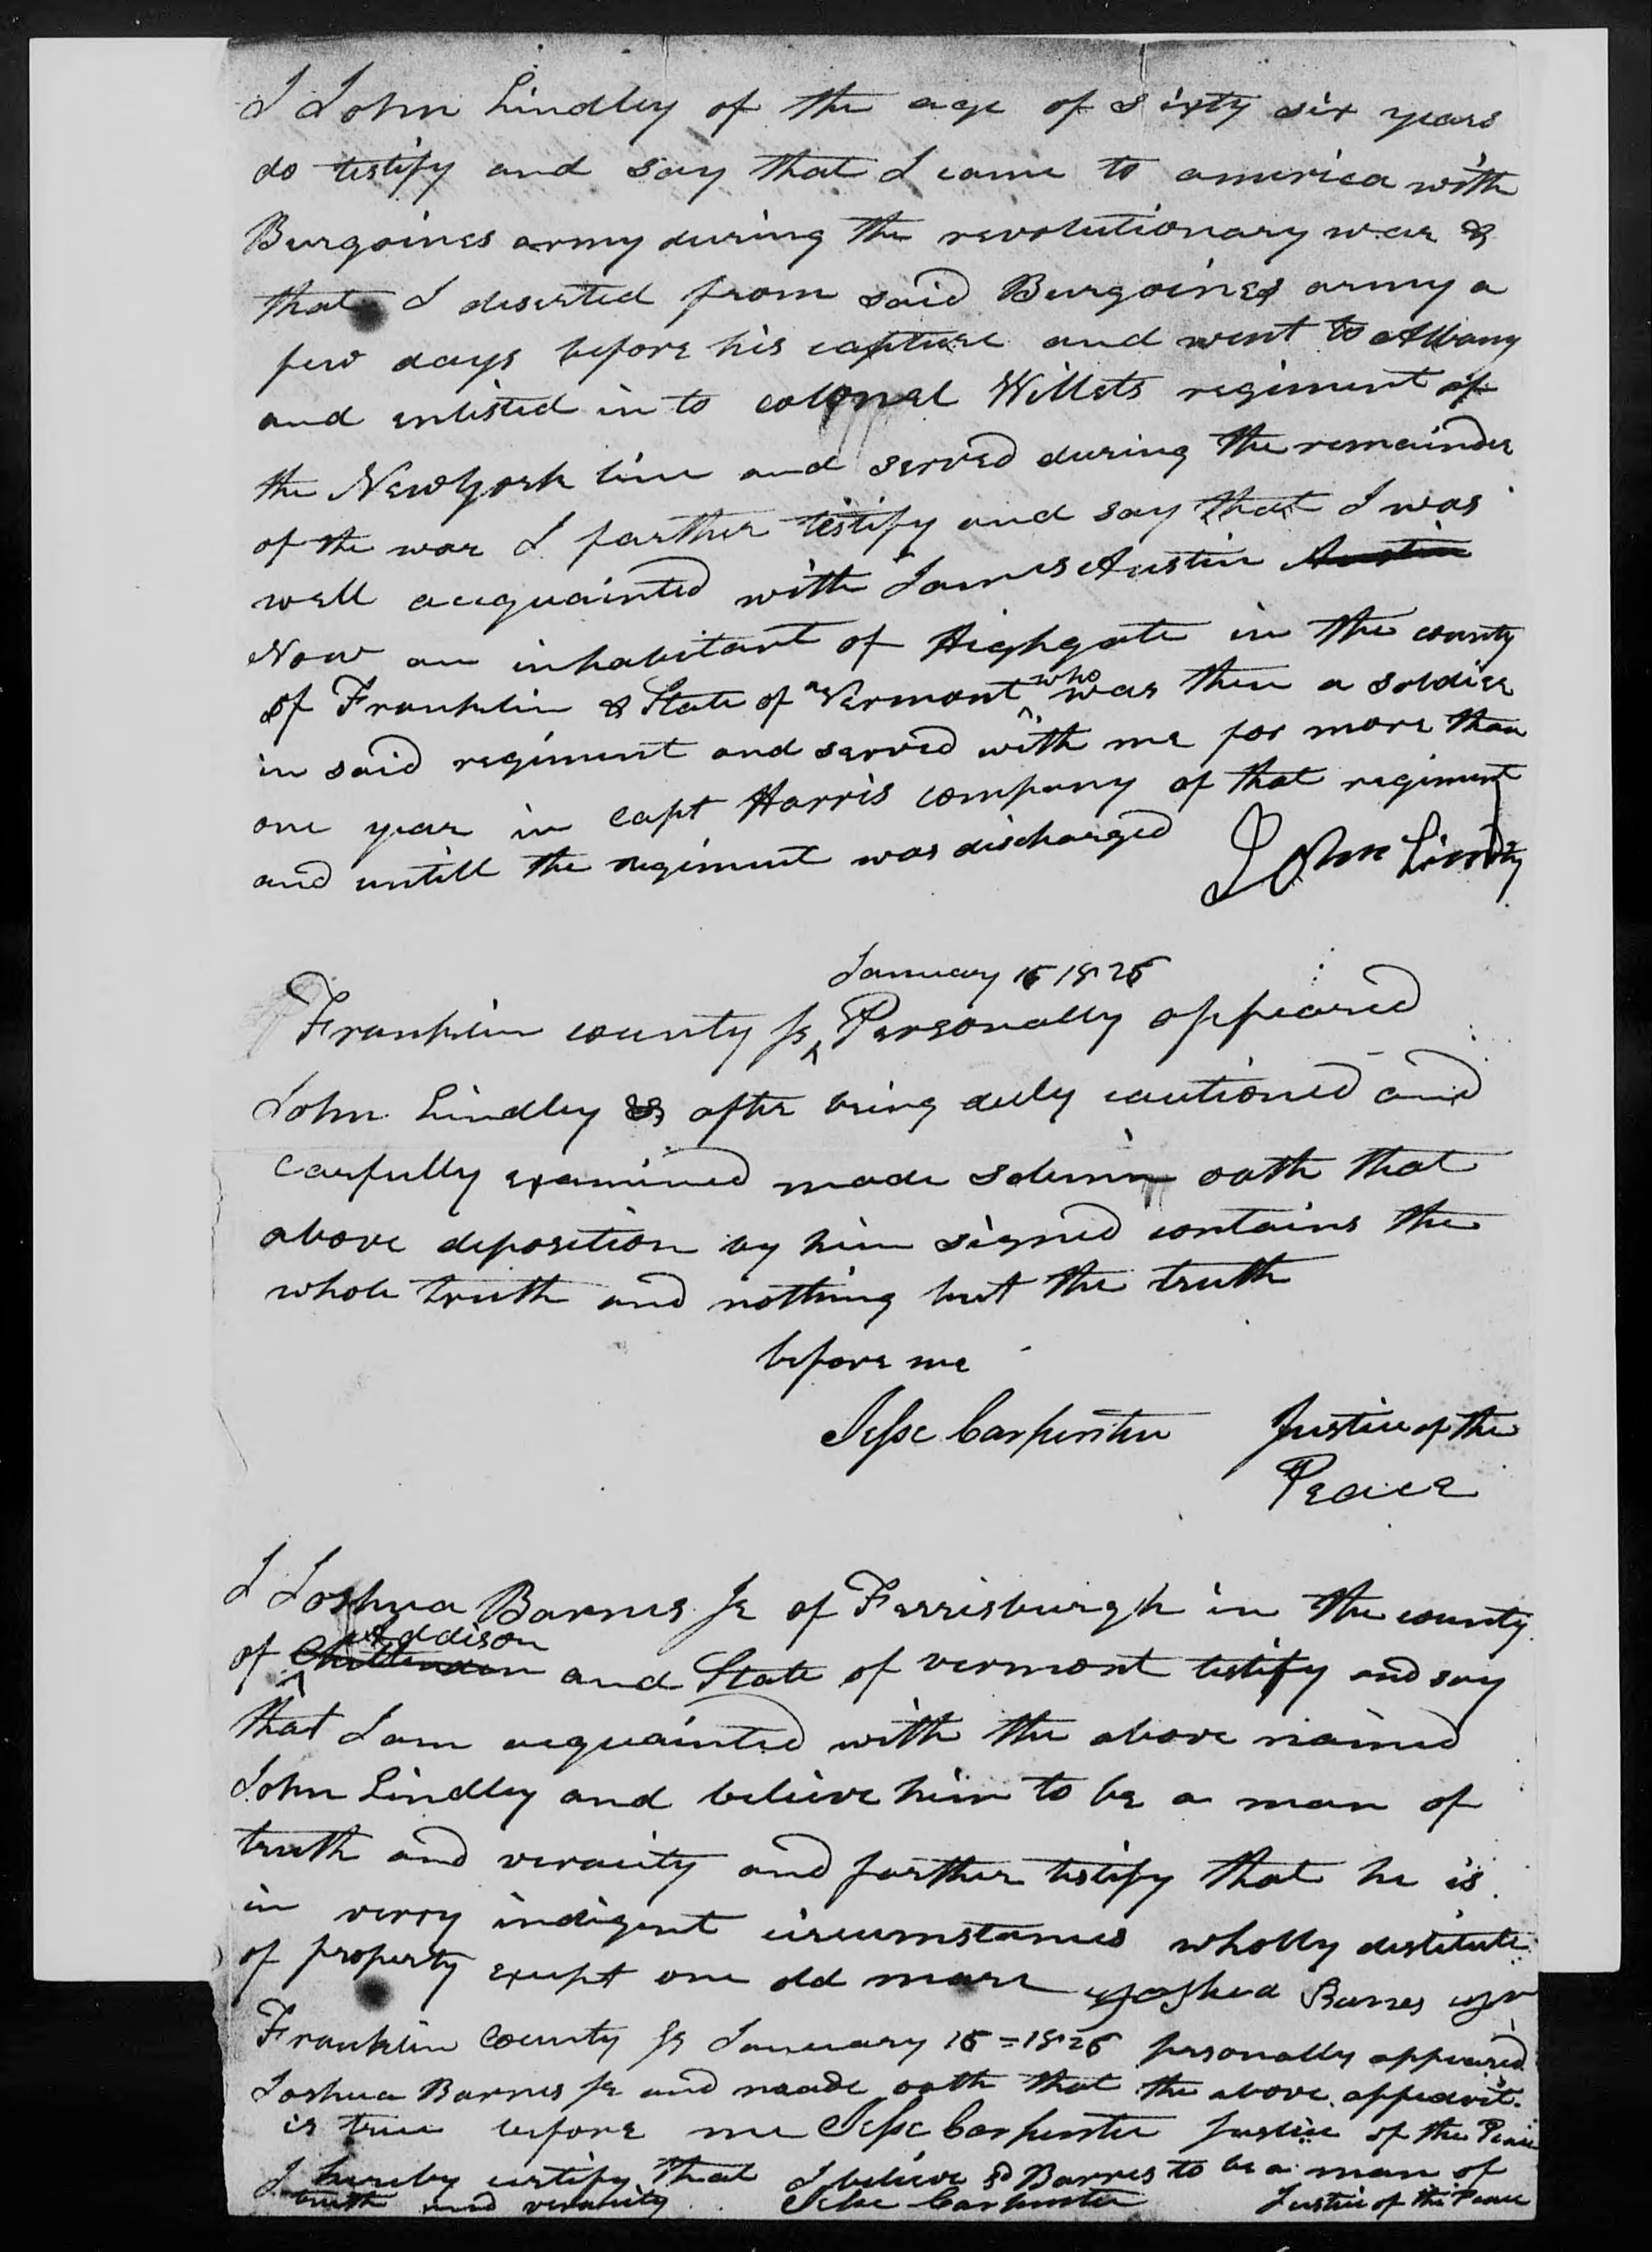I John Lindley of the age of sixty six years do testify and say that I came to america with Burgoines army during the revolutionary war & that I deserted from said Burgoines army a few days before his capture and went to Albany and enlisted in to colonel Willets regiment of the New York line and served during the remainder of the war & further testify and say that I was well acquainted with James Austin Now an inhabitant of Highgate in the county of Franklin & State of Vermont who was then a soldier in said regiment and served with me for more than one year in capt Harris company of that regiment and untill [sic]  the regiment was discharged 
John Lindley [signature]

Franklin county ss January 16 1825 Personally appeared John Lindley & after being duly cautioned and carefully examined made solemn oath that above deposition by him signed contains the whole truth and nothing but the truth
before me 
Jesse Carpenter Justice of the Peace Joshua Barnes Jr of Ferrisburgh in the county of Addison and State of vermont testify and say that I am acquainted with the above named John Lindley and believe him to be a man of truth and veracity and further testify that he is in verry indigent circumstances wholly destitute of property except one old mare Joshua Barnes [illegible] Franklin county ss January 16 = 1826 personally appeared Joshua Barnes Jr and made oath that the above affidavit is true before me Jesse Carpenter Justice of the Peace I hereby certify that I believe J Barnes to be a man of truth and veracity 
Jesse Carpenter Justice of the Peace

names: John Lindley, John Lindley, Jesse Carpenter, Joshua Barnes, Joshua Barres, Jesse Carpenter, John Lindley, John Lindley, Jesse Carpentere, F Barres, James Austin, Joshua Barnes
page: 79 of 100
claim: survivor's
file: S 19186, James Austin, Conn. New York R.I.